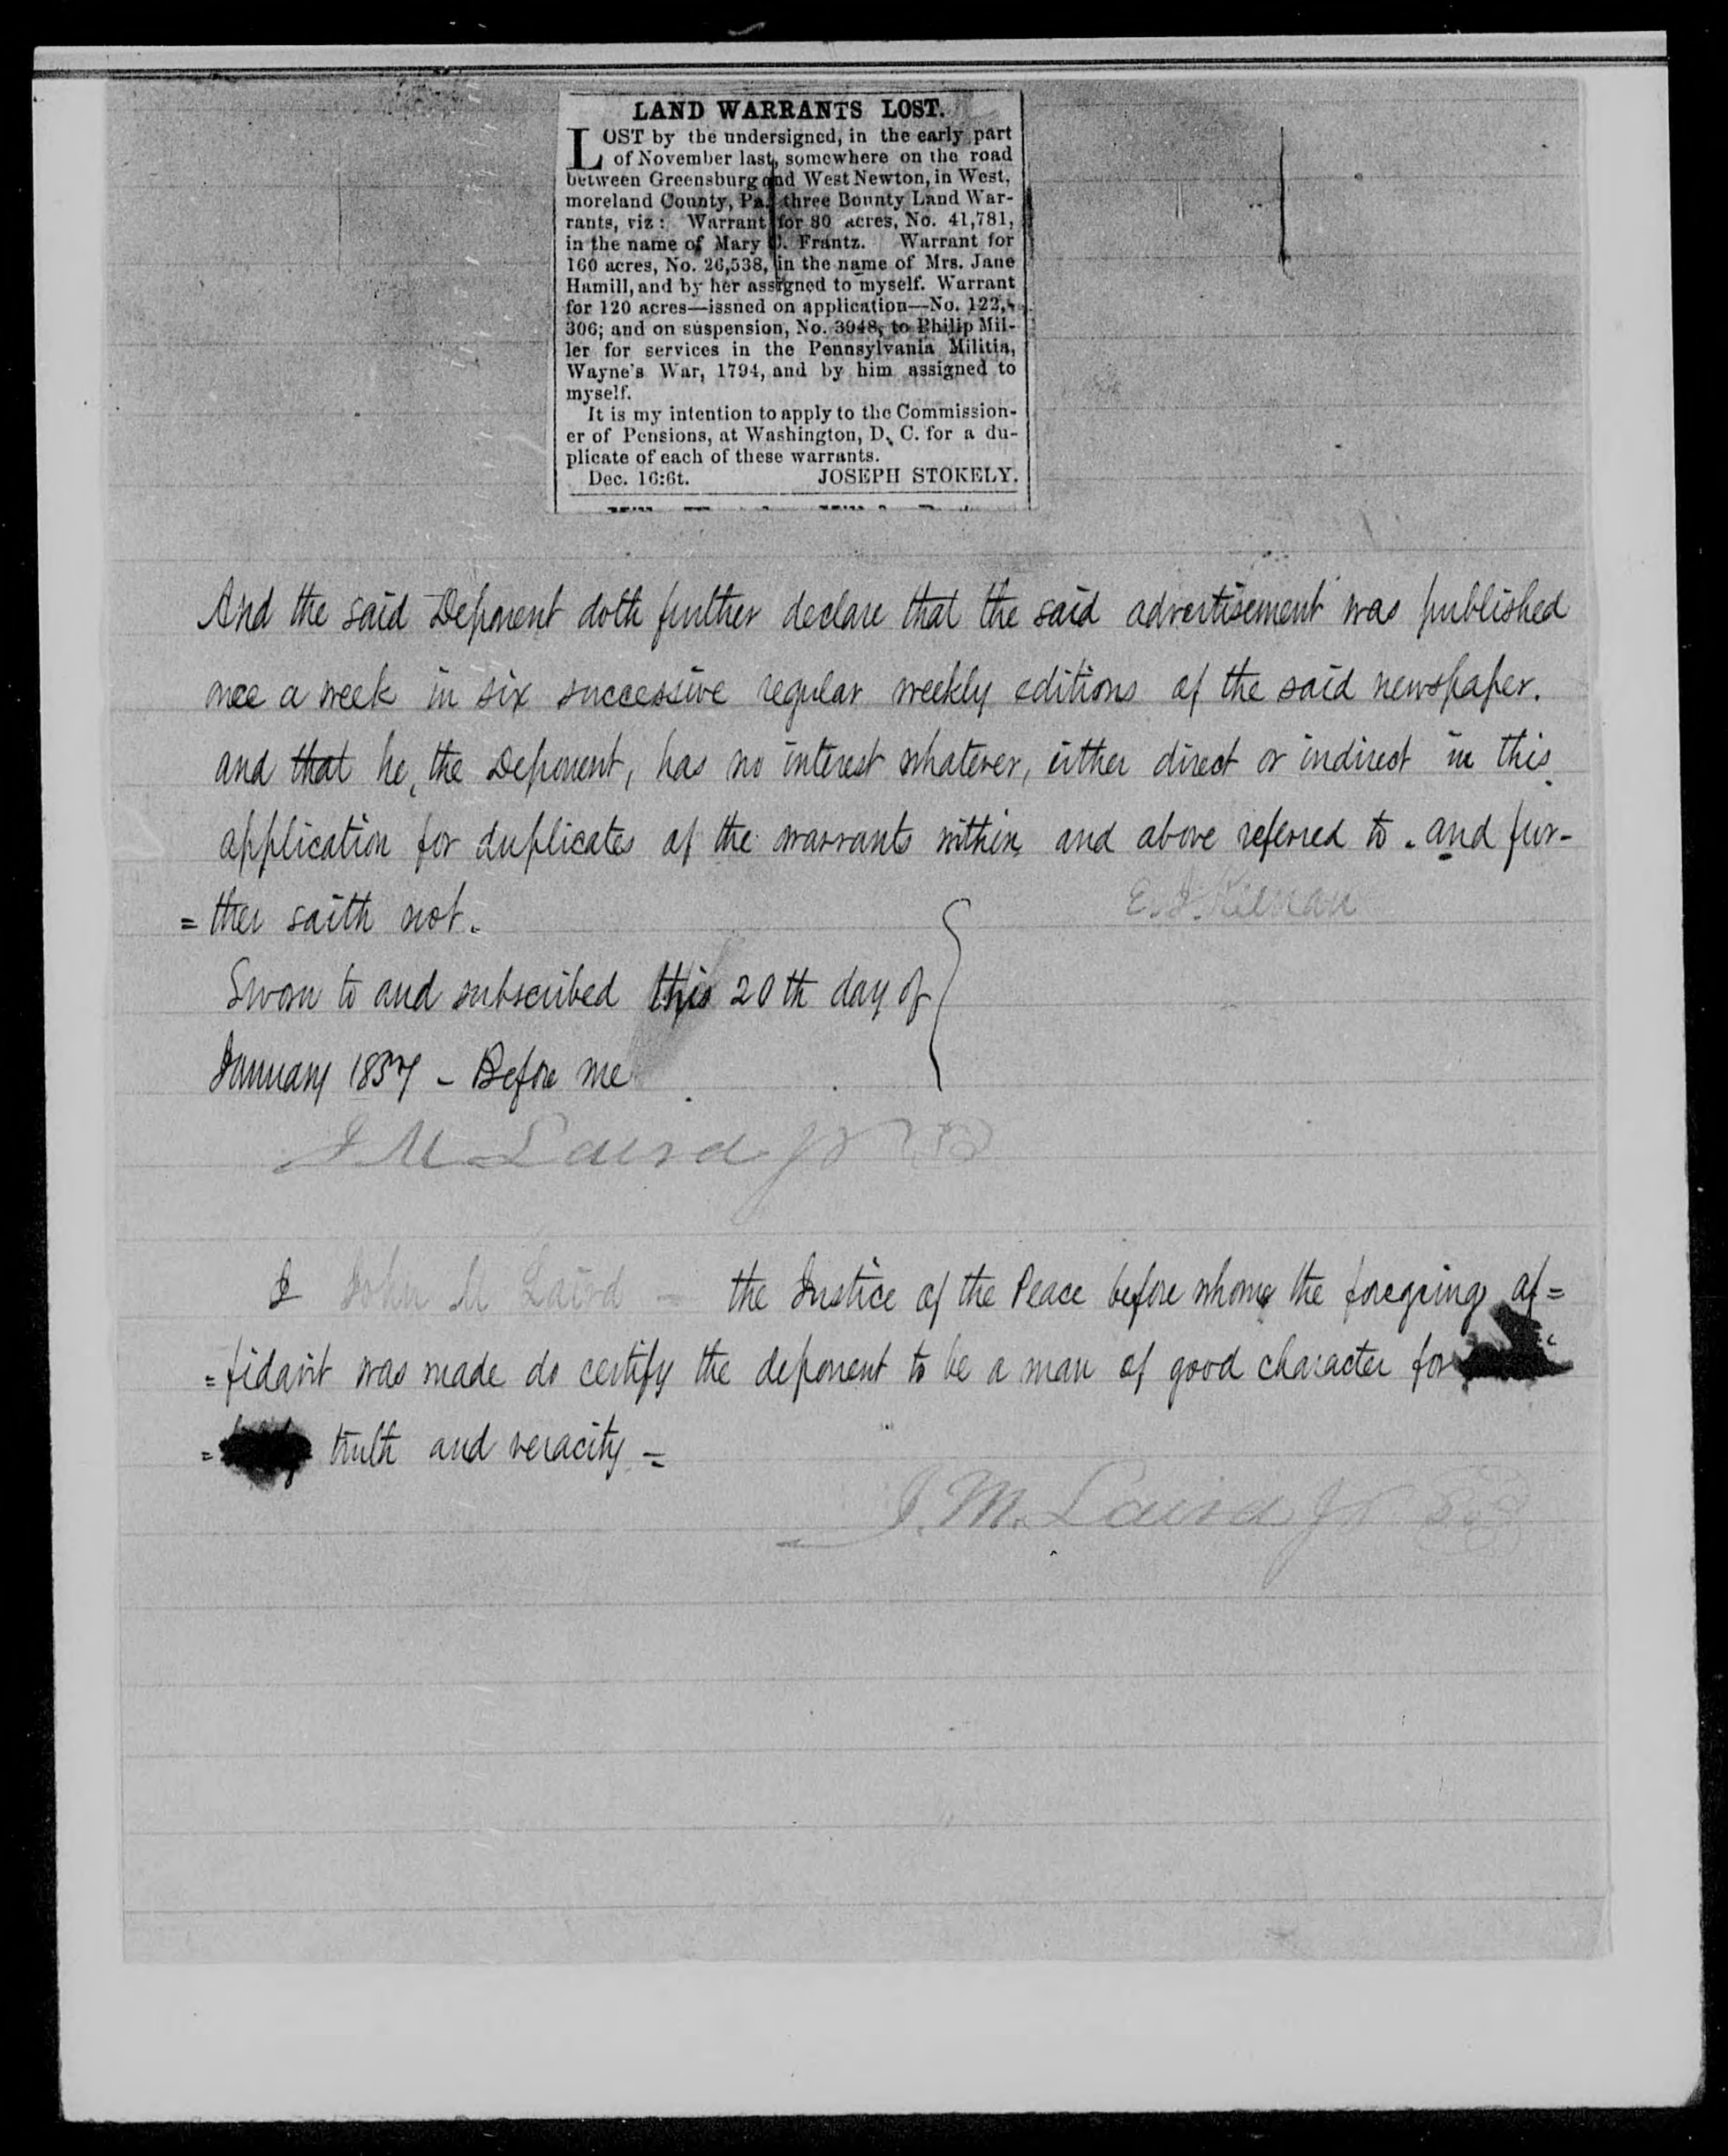LAND WARRANTS LOST.
LOST by the undersigned, in the early part of November last, somewhere on the road between Greensburg and West Newton, in Westmoreland County, Pa, three Bounty Land Warrants, viz:  Warrant for 80 acres, No. 41,781, in the name of Mary D. Frantz.  Warrant for 160 acres, No. 26, 538, in the name of Mrs. Jane Hamill, and by her assigned to myself.  Warrant for 120 acres---issued on application --- No. 122, 306; and on suspension, No. 3048 to Philip Miller for service sin the Pennsylvania Militia Wayne's War, 1794, and by him assigned to myself.
  
It is my intention to apply to the Commissioner of Pensions, at Washington, D.C., for a duplicate of each of these warrants.

Dec.  16:6t.       JOSPH STOKELY.

And the said Deponent doth further declare that the said advertisement was published once a week in six successive regular weekly editions of the said newspaper.  And that he, the Deponent, has no interest whatever, either direct or indirect in this application for duplicates of the warrants within and above referenced to and further saith not.
    E.J. Kilnan

Sworn to and subscribed this 20th day of
January 1837 - Before me
        J.M. Laird, J.P.

I John M Laird -  the Justice of the Peace before whom the foregoing affidavit was made do certify the deponent to be a man of good character [ink blot] truth and veracity.
       J.M. Laird, J.P.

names: Wayne, John M Laird, J M Laird, Philip Miller, Jane Hamill, E J Keenan, J M Laird, Joseph Stokely, Mary C Frantz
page: 59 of 92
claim: widow's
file: W 1173, Robert Hamill, Penn.